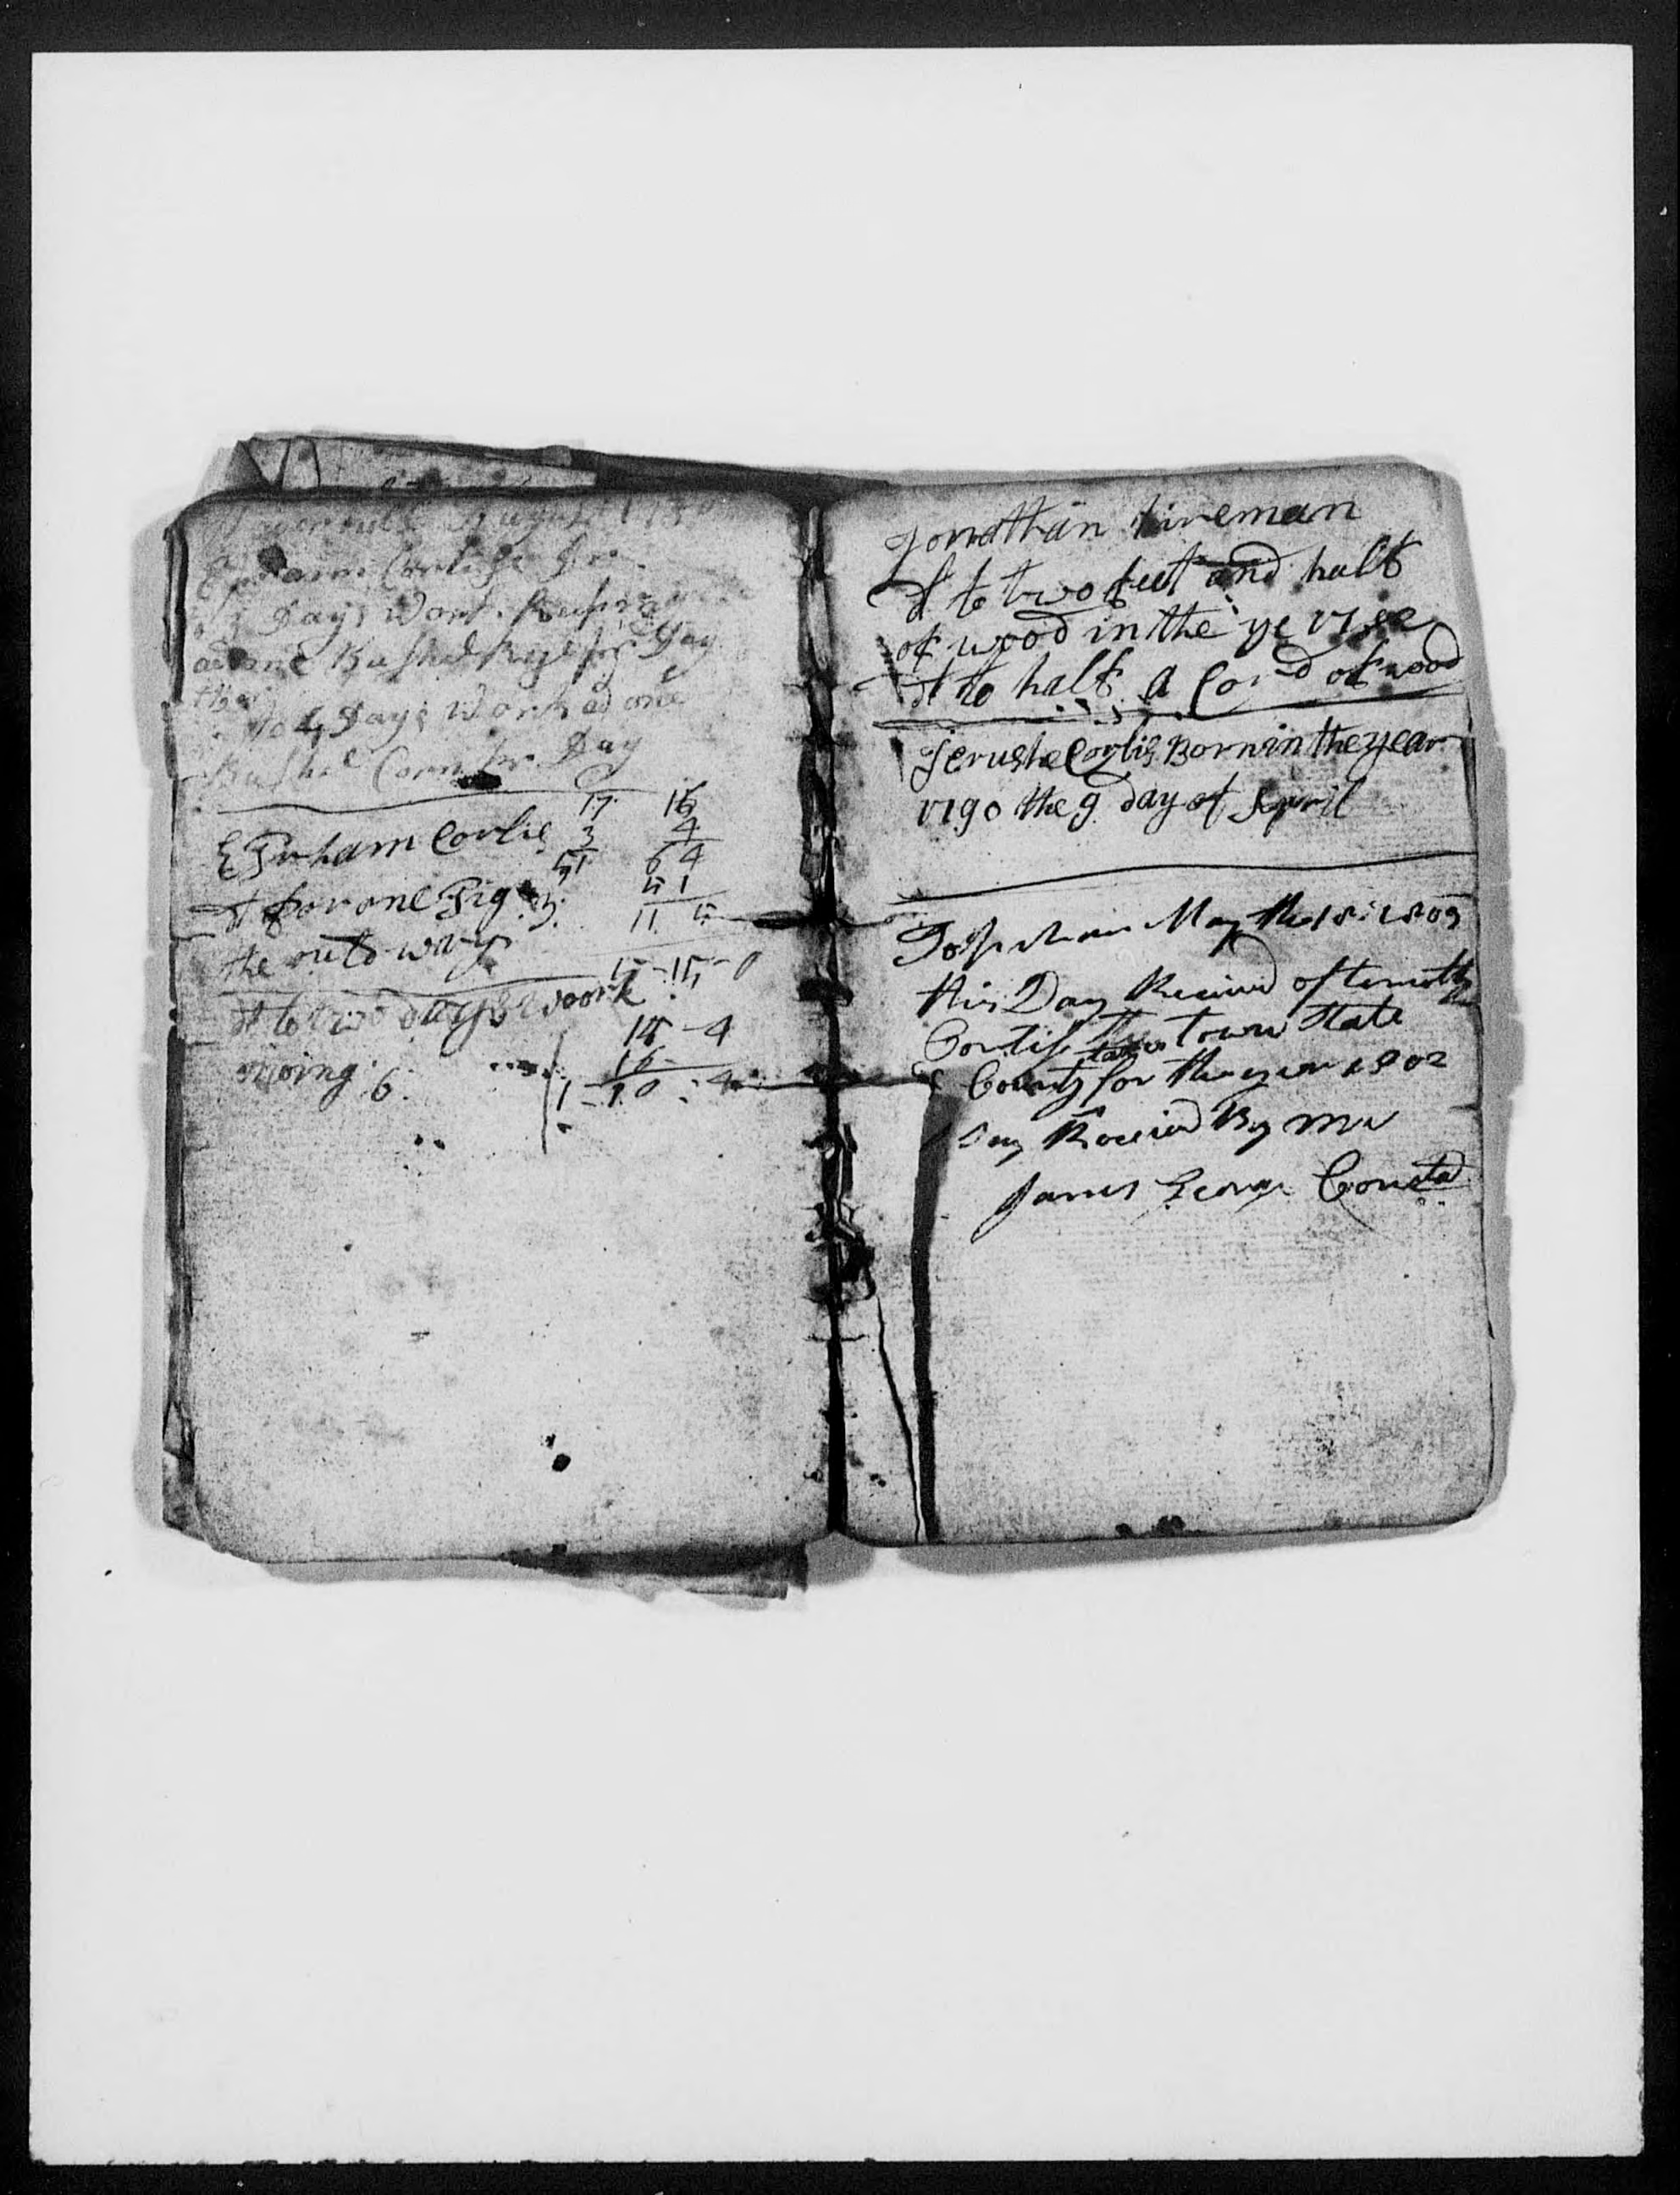E. (Gorham?) Corlis
for one pig 3
the (out to weigh?)

to two day's work 
moving 6

Figures:
17 x 3 = 51
16 x 4 = 64
6.4 + 5.1 = 11.5

Jonathan Fireman (?) to two feet and half of wood in the ye (viz?) to half a cord of wood

Jerushe Corlis born in the year 1790 the g day of April

Jonathan May the 18th 1909. His day received of Timothy Corlis (take to?) town state county for the year 1902 1 day received by Mr. James George Constad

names: Egaham Corlis, Jerushe Corlis, James George Constad, Jonathan Fireman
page: 17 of 34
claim: widow's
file: W. 20,896, Timothy Corless, Continental Mass